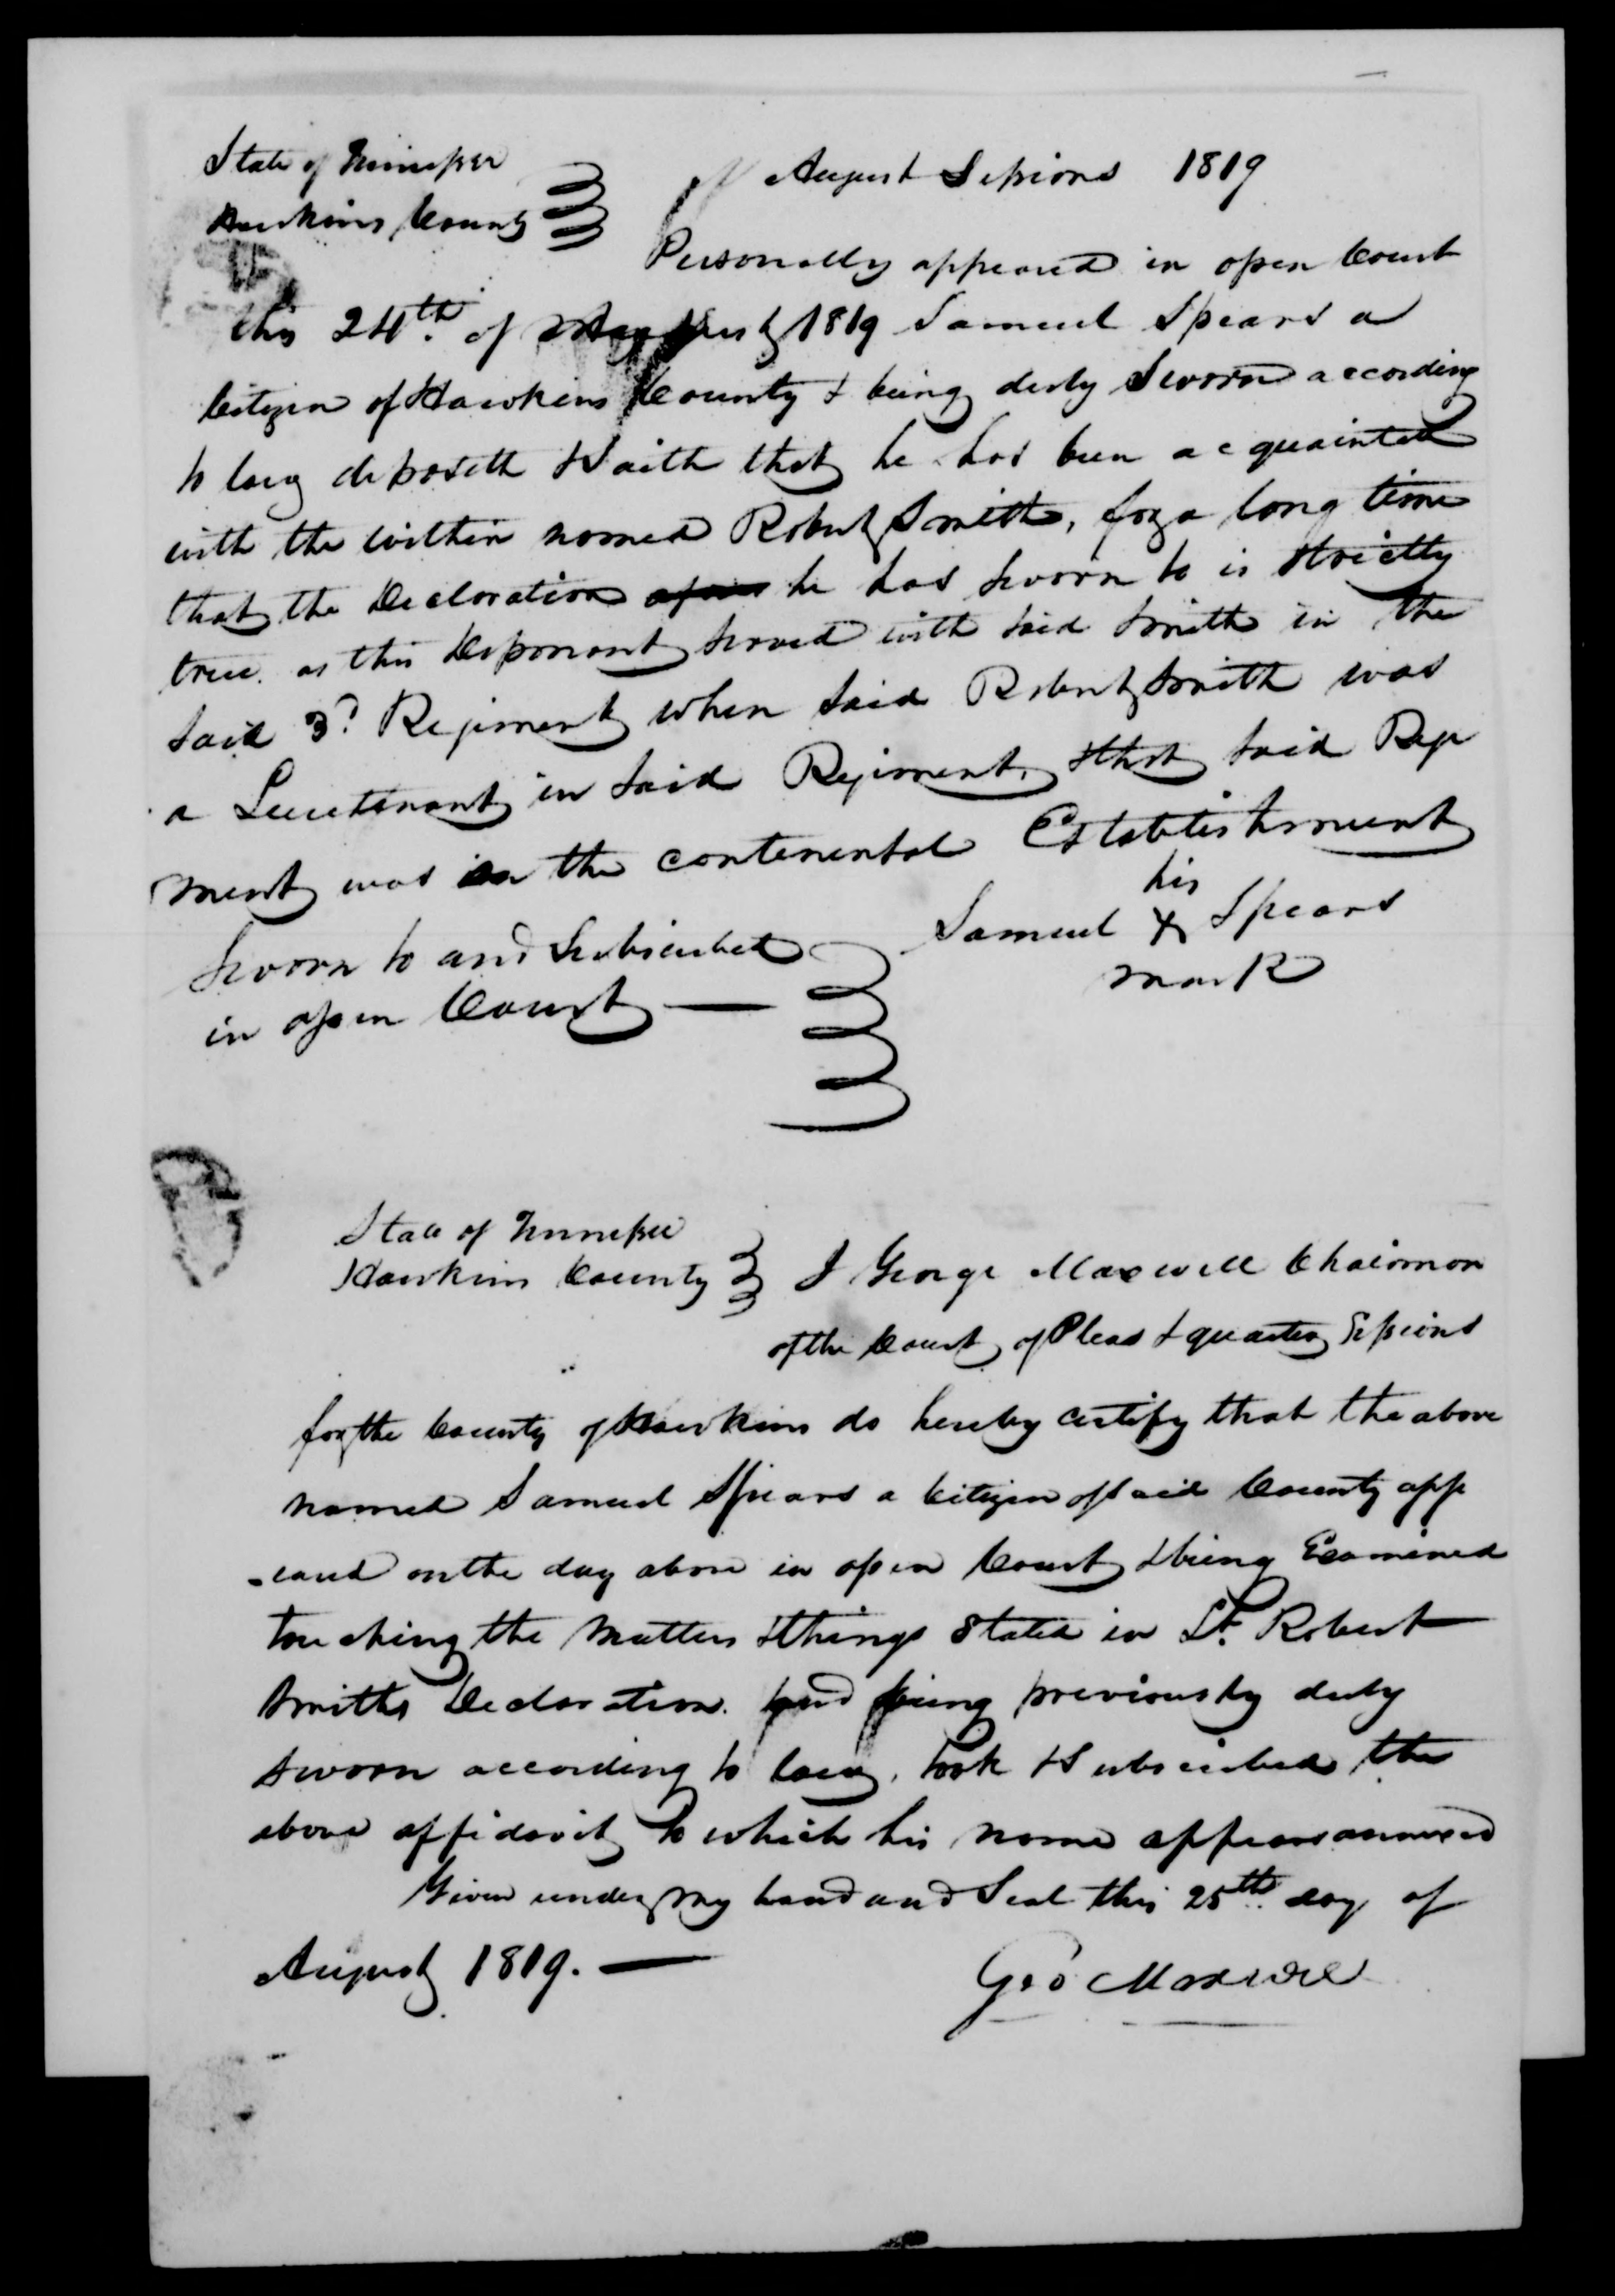State of Tennessee
Hawkins county
August Sessions 1819

Personally appeared in open court this 24th of August 1819 Samuel Spears a citizen of Hawkins County and being duly sworn according to law deposeth and saith that he has been acquainted with the within named Robert Smith for a long time that the Declaration he has sworn to is strictly true as this Deposeth served with said Smith in the said  3? Regiment when said Robert Smith was a Lieutenant in said Regiment that said Regiment was in the continental establishment 
Sworn and subscribed in Open court
Samuel Spears His Mark X

State of Tennessee
Hawkins County
I George Maxwell Chairman of the Court of Pleas and Quarter Sessions for the County of Hawkins do hereby certify that the above named Samuel Spears a citizen of said County appeared in the day above in Open Court  being examined touching the matters & things stated in Lt. Robert Samuels Declaration and being previously duly sworn according to law, took and subscribed the above affidavit which his name appears [illegible] Given under my hand and Seal this 25th day of August 1819
Geo Maxwell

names: Samuel Spears; Geo Maxwell; [BLANK] Smith; Samuel Spears; Robert Smith; Robert Smith; Robert Smith; George Maxwell; Samuel Spears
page: 30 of 79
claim: widow's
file: W. 1504, for Robert Smith, North Carolina